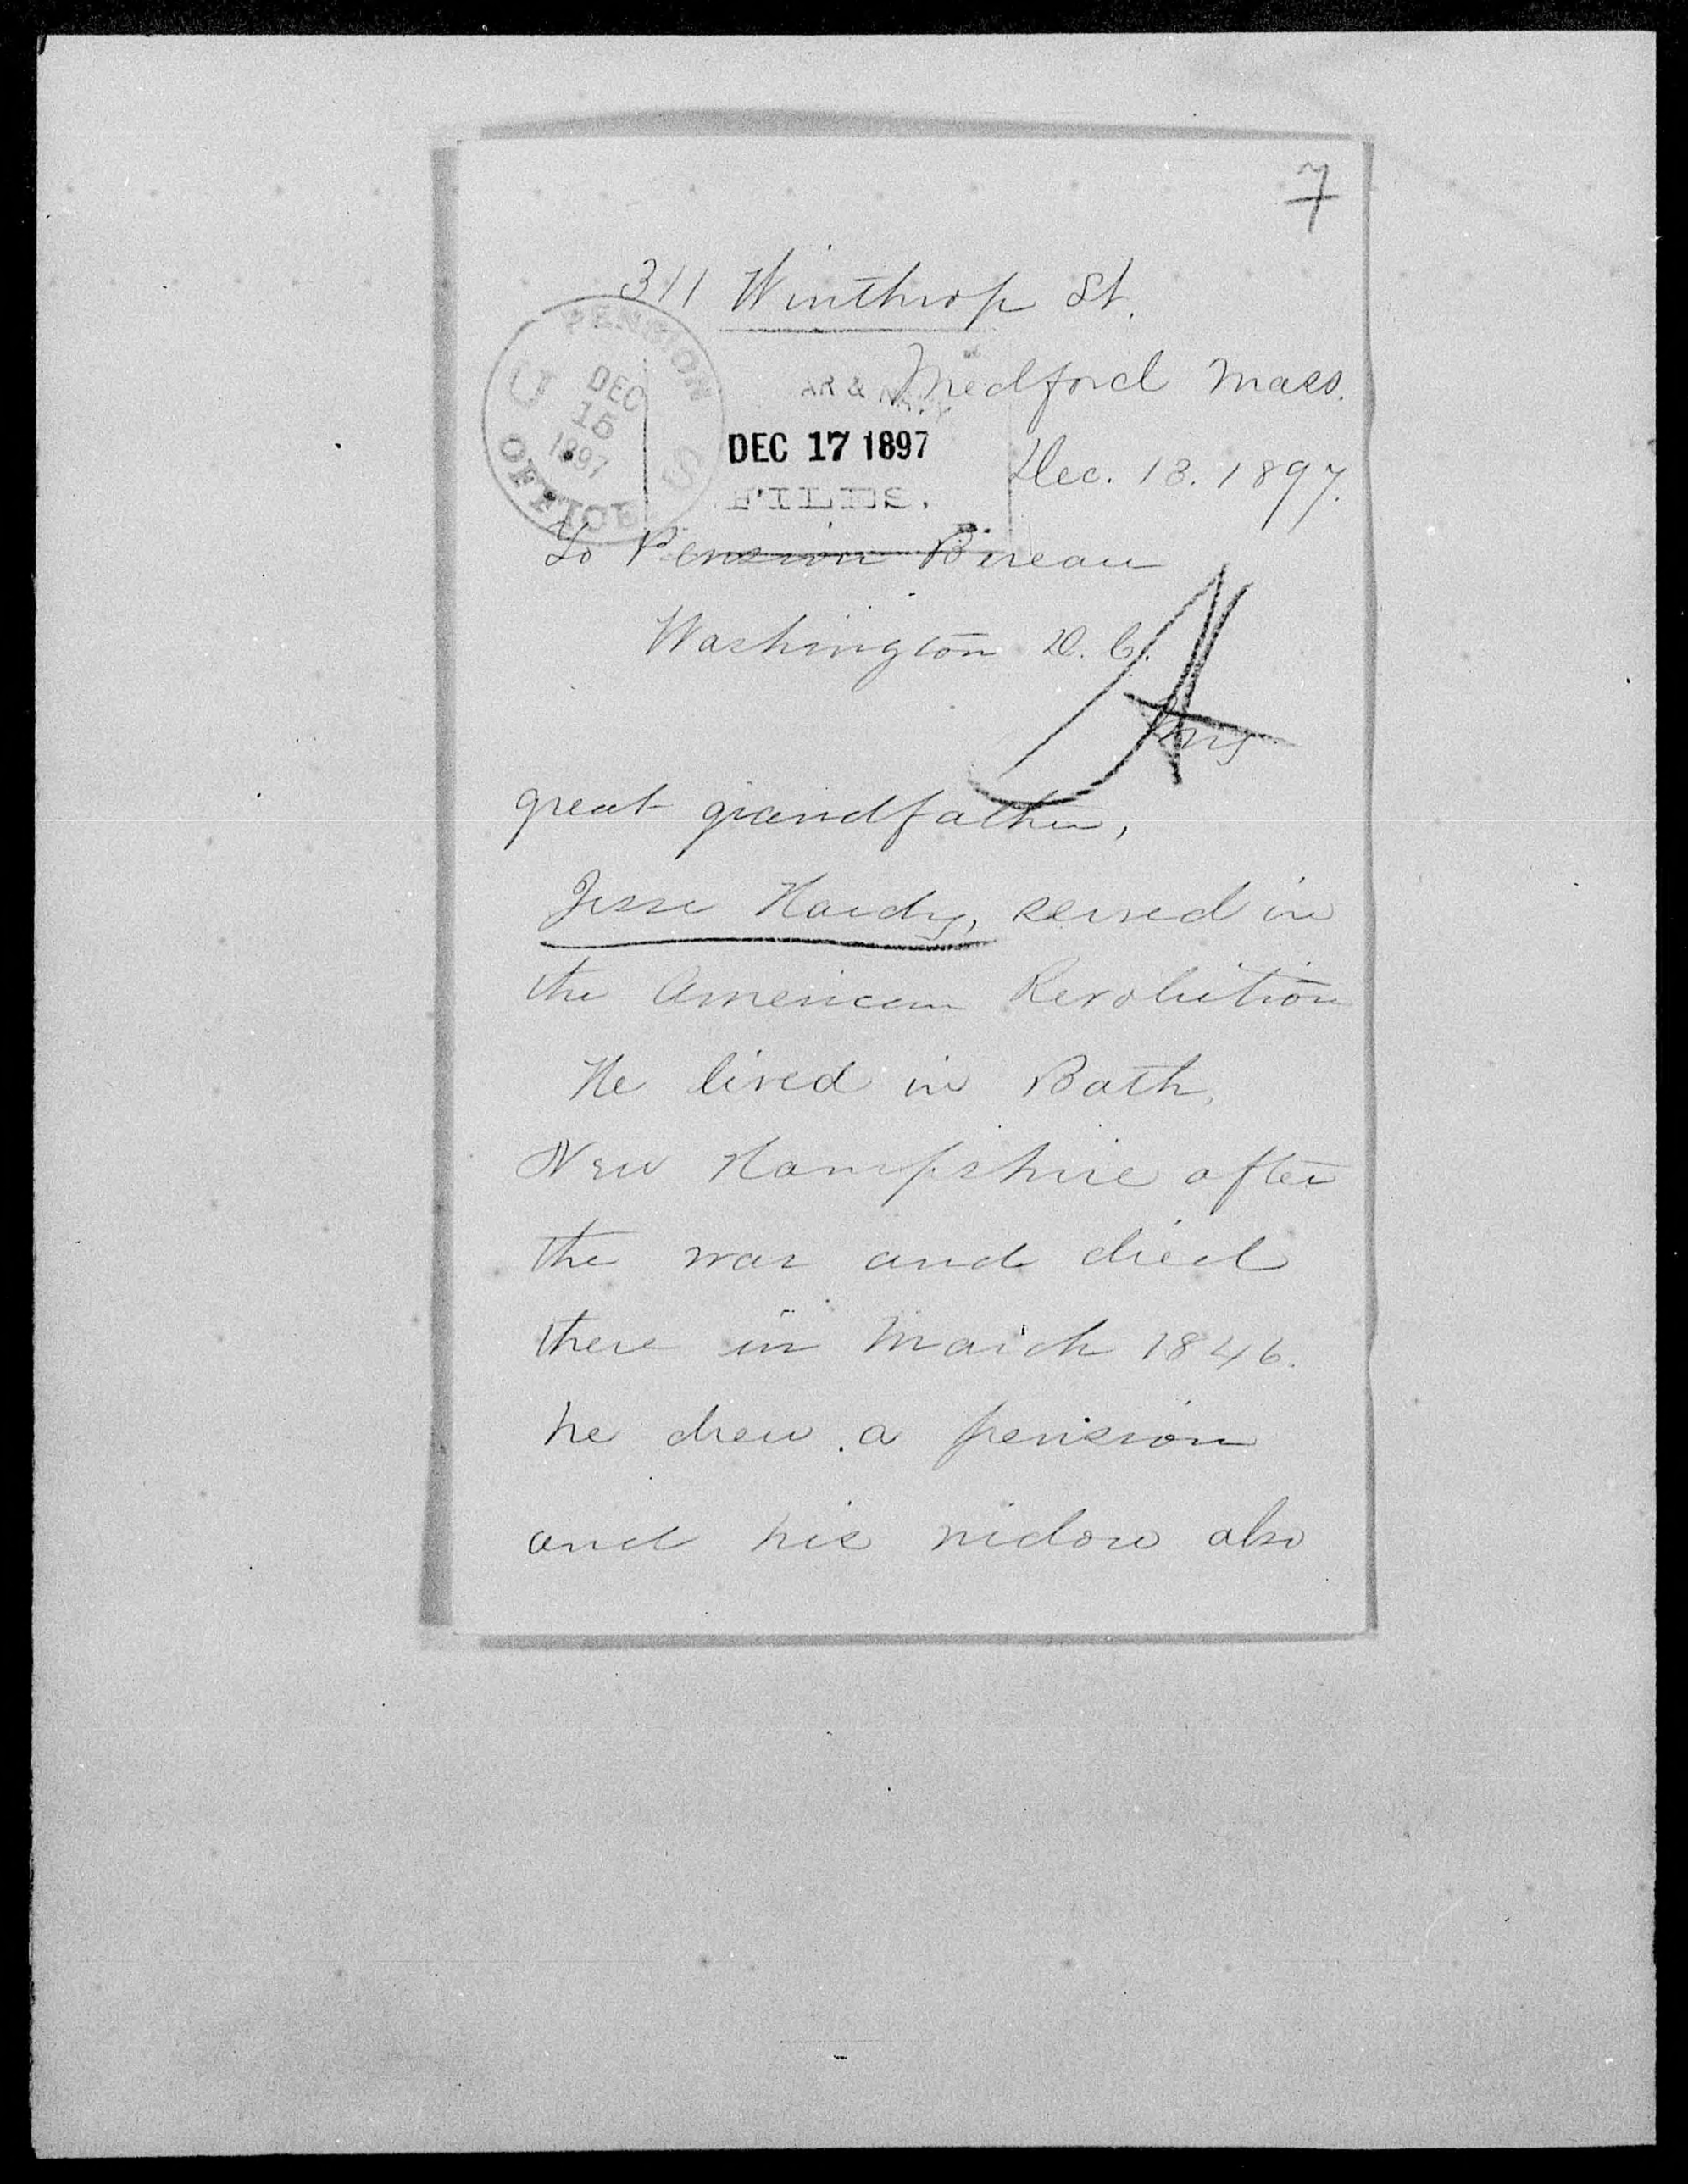7 
311
[postmark PENSION OFFICE DEC 15 1897]
[stamp DEC 17 1897]
Winthrop St Medford Mass Dec. 13, 1897. to Pension Bureau Washington D.C. 
My great grandfather, Jesse Hardy served in the American Revolution He lived in Bath New Hampshire after the war and died there in March 1846 he drew a pension and his widow also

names: Jesse Hardy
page: 29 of 67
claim: widow's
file: W. 23183, Jesse Hardy, Mass.